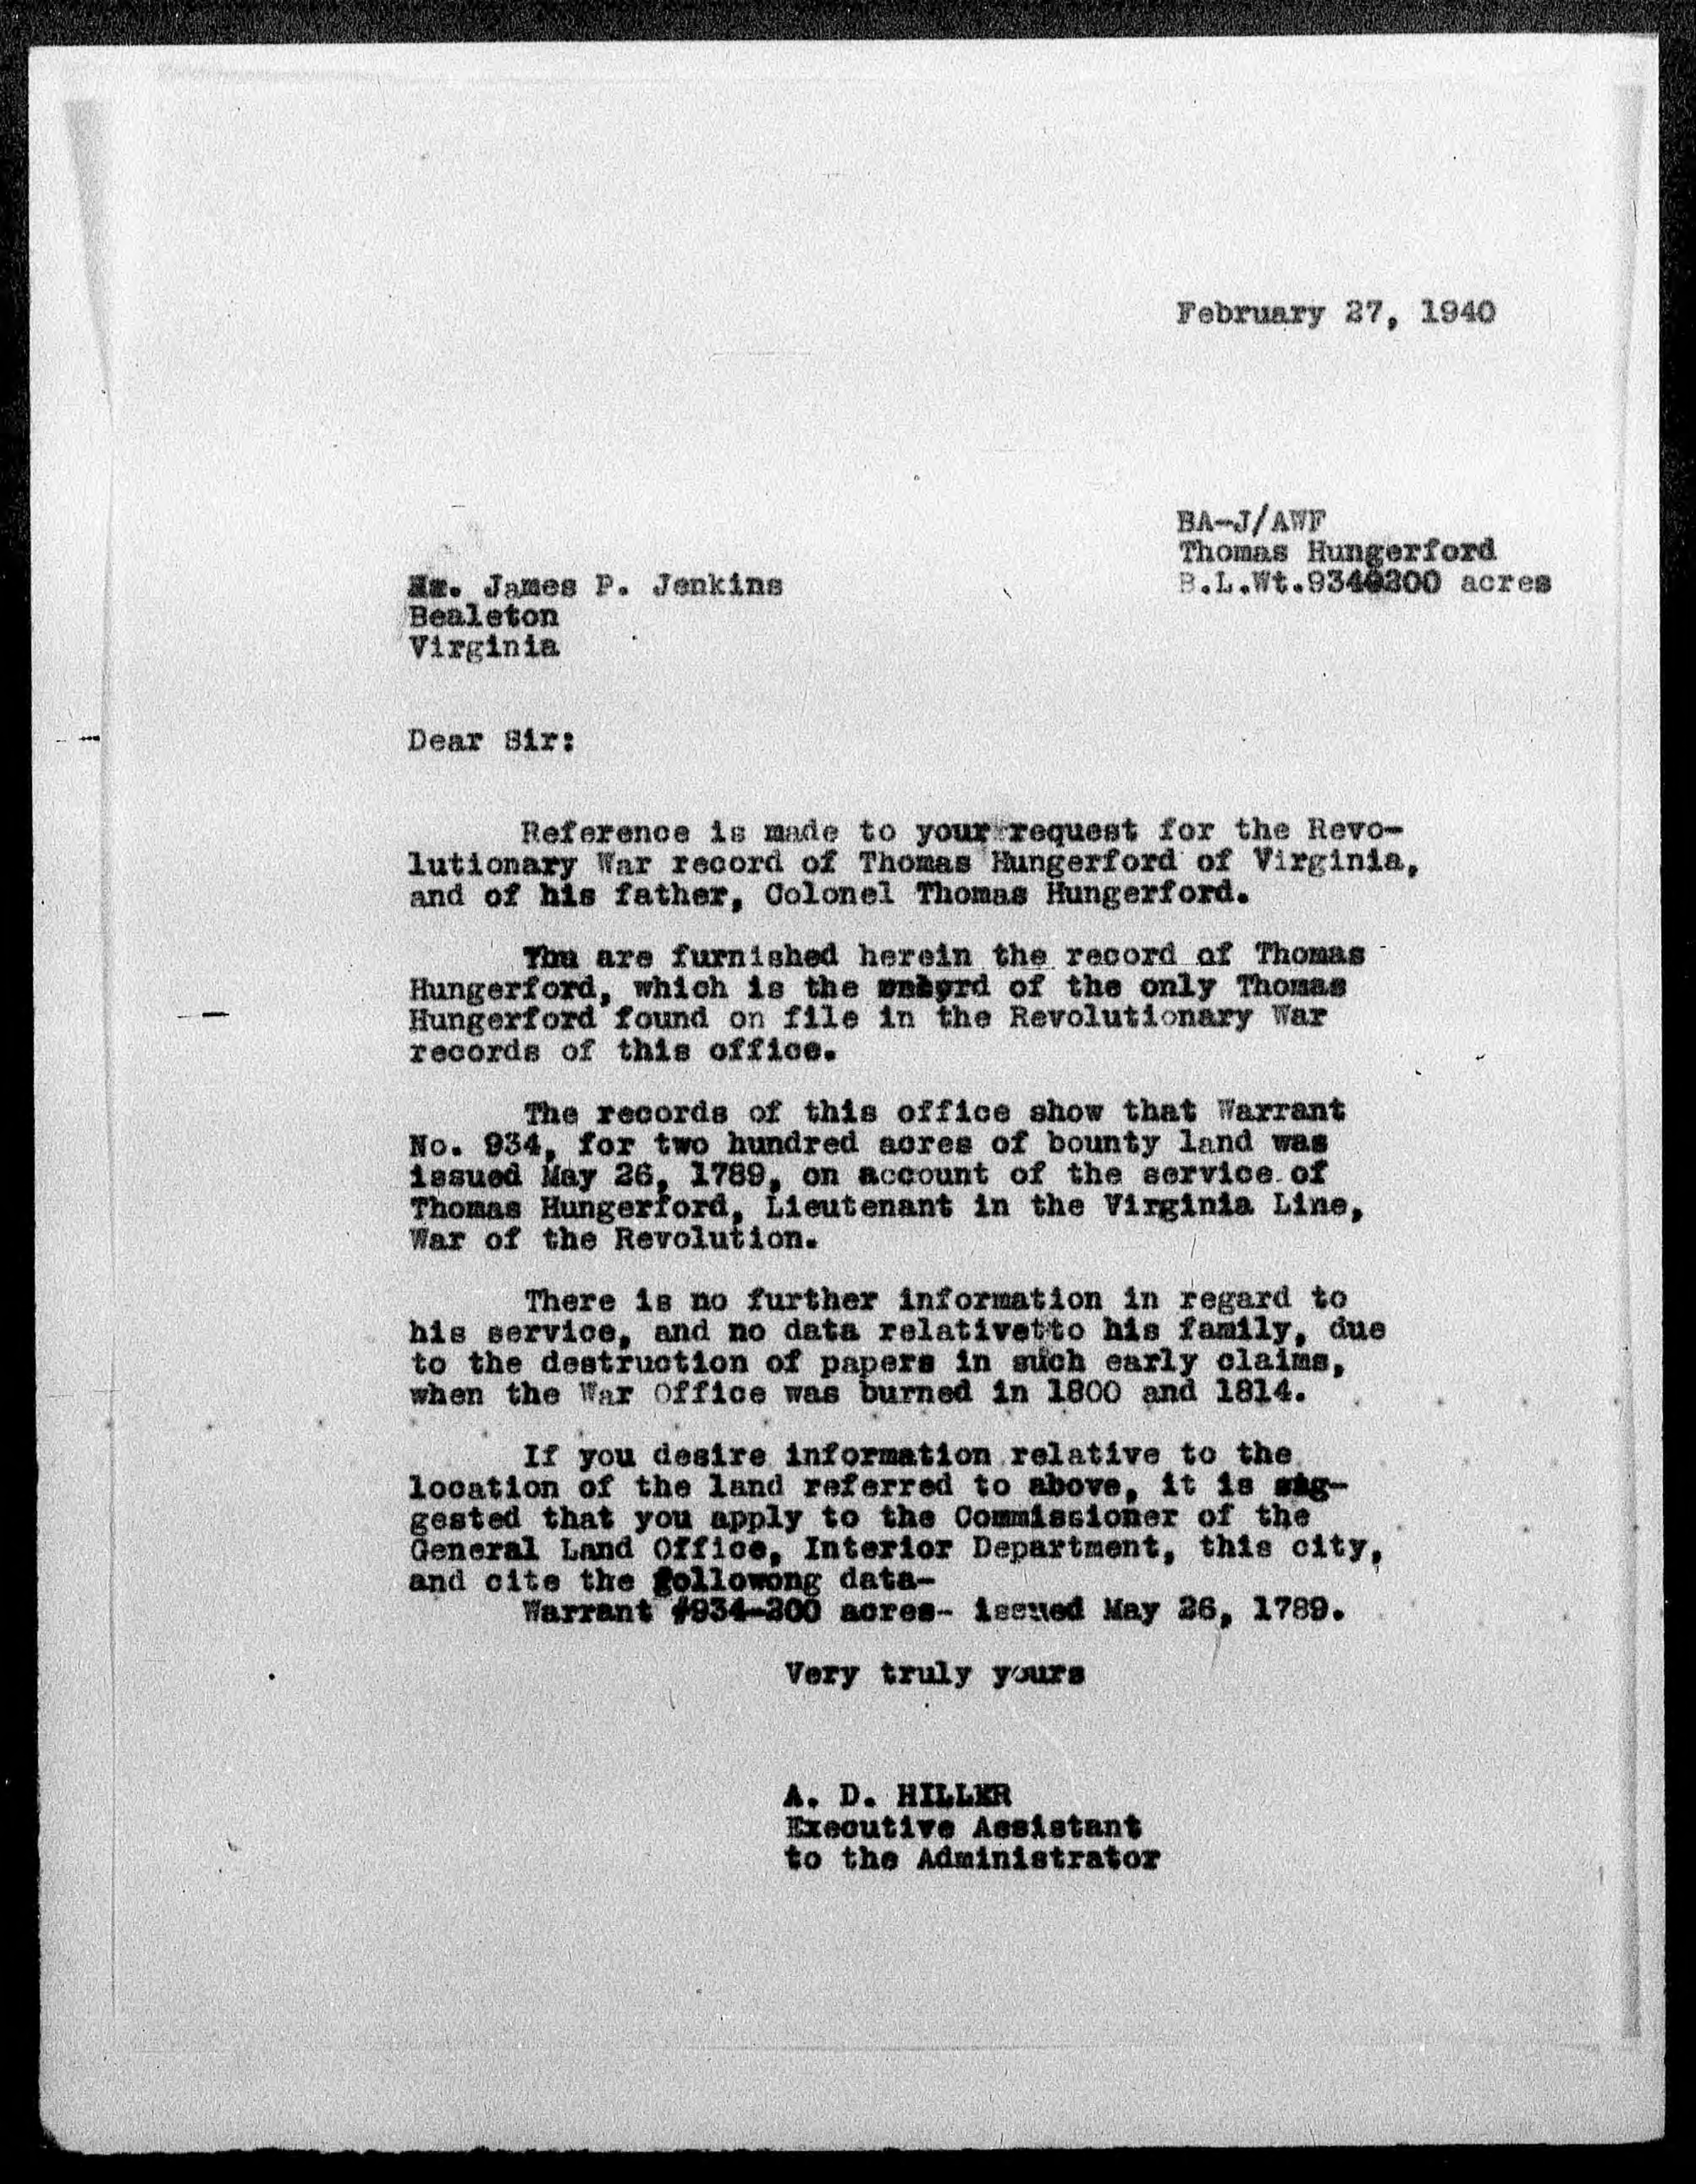February 27, 1940

BA-J/AWF
Thomas Hungerford
B. L. Wt.9349200 acres

Mr. James P. Jenkins
Bealeton
Virginia
Dear Sir:

Reference is made to your request for the Revolutionary War record of Thomas Hungerford of Virginia, and of his father, Colonel Thomas Hungerford.
You are furnished herein the record of Thomas Hungerford, which is the record of the only Thomas Hungerford found on file in the Revolutionary War records of this office.
The records of this office show that Warrant No. 934, for two hundred acres of bounty land was issued May 26, 1789, on account of the service of Thomas Hungerford, Lieutenant in the Virginia Line,
War of the Revolution.
There is no further information in regard to his service, and no data relative to his family, due to the destruction of papers in such early claims, when the War Office was burned in 1800 and 1814.
If you desire information relative to the location of the land referred to above, it is suggested that you apply to the Commissioner of the
General Land Office, Interior Department, this city, and cite the following data
Warrant 1934-200 acres issued May 26, 1789.
Very truly yours
[unsigned]
A. D. HILLER
Executive Assistant to the Administrator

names: James Jenkins, A D Hiller, Thomas Hungerford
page: 5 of 7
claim: bounty land warrant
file: B. L. Wt. 934-200, Thomas Hungerford, Va.